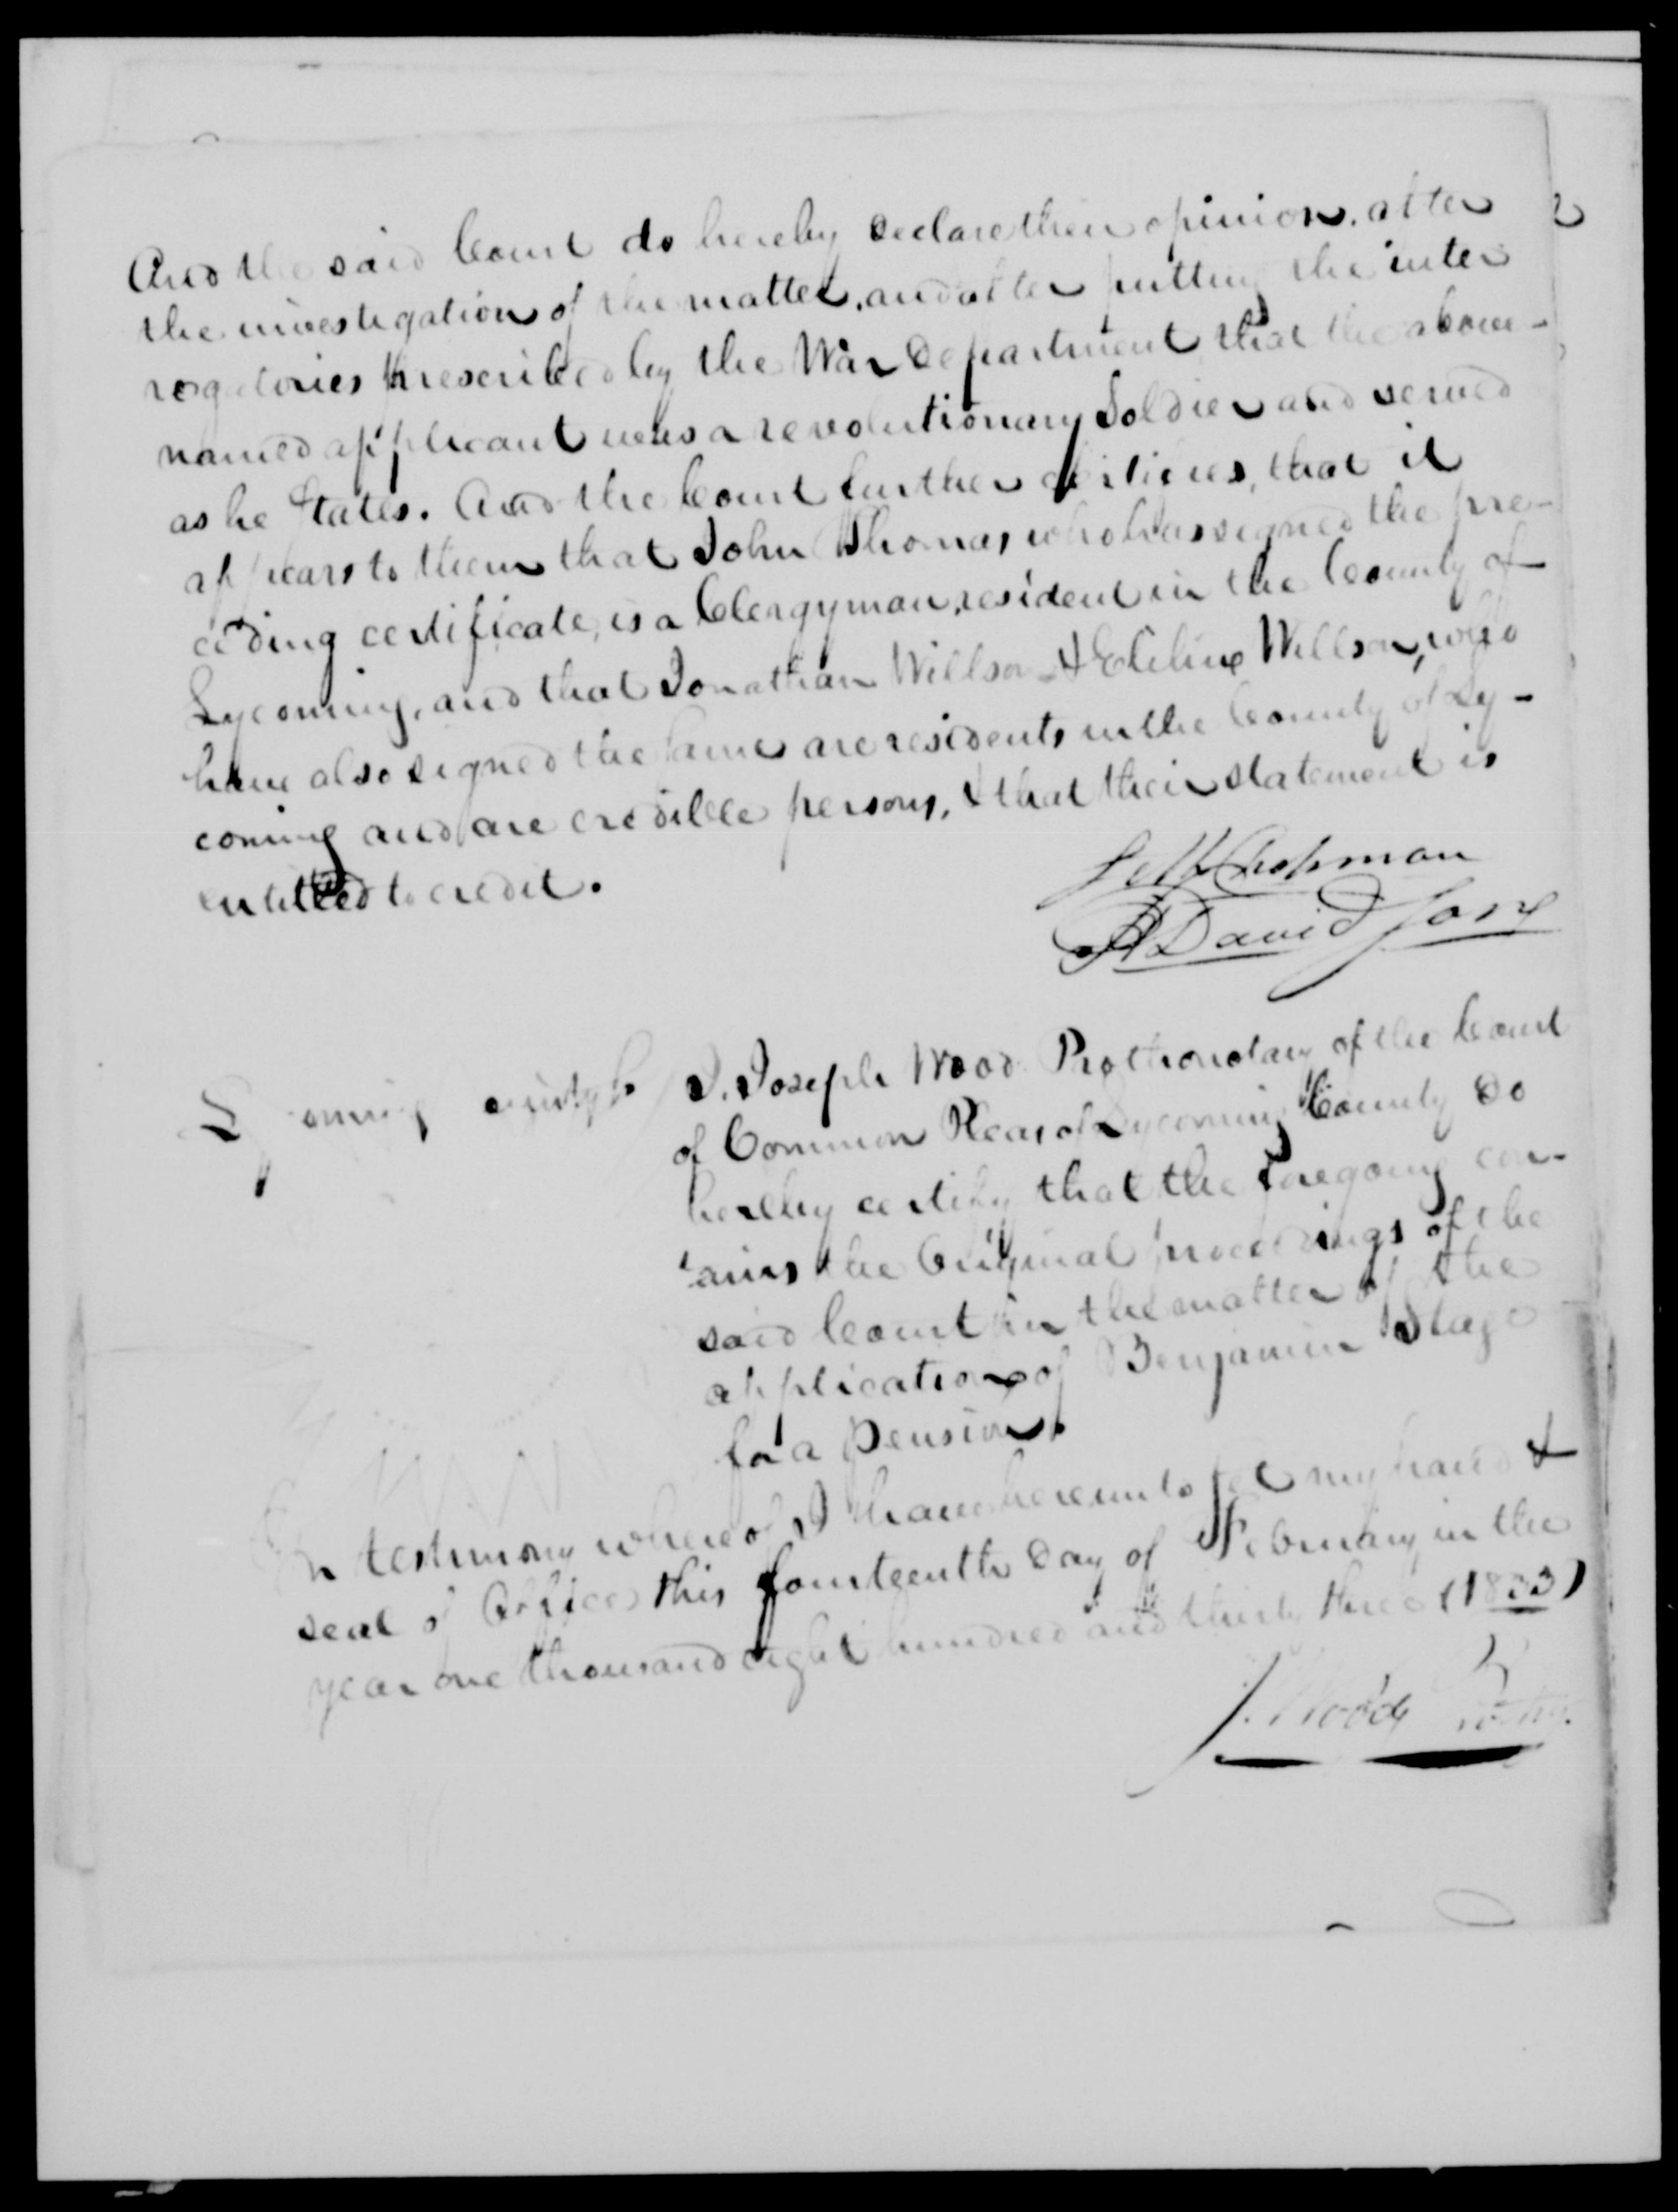Also the said Court do hereby declare their opinion after the investigation of the matter and after putting the interrogatories prescribed by the War Department that the above named applicant was a revolutionary Soldier and served as he states.  And the Court further certifies that it appears to them that John Thomas who has signed the preceding certificate is a Clergyman resident in the County of Lycoming and that Jonathan Willson & Elihu Willson who have also signed the same are residents in the county of Lycoming and are credible persons & that their statement is entitled to credit.  
[Leth or Seth] Chapman
H David Lane
Lycoming County I Joseph Wood Prothonotary of the Court of Common Pleas of Lycoming County do hereby certify that the foregoing contains the Original proceedings of the said Court in the matter of the application of Benjamin Stage for a pension.
In testimony whereof I have hereunto set my hand & seal of Office this fourteenth Day of February in the year one thousand eight hundred and thirty three (1833)
J Wood  [othy]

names: Joseph Wood; Benjamin Stage; John Thomas; Jonathan Willson; J Wood; H David; Jett Chapman; Elihu Willson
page: 7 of 23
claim: survivor's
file: S. 23008, for Benjamin Stage, New York